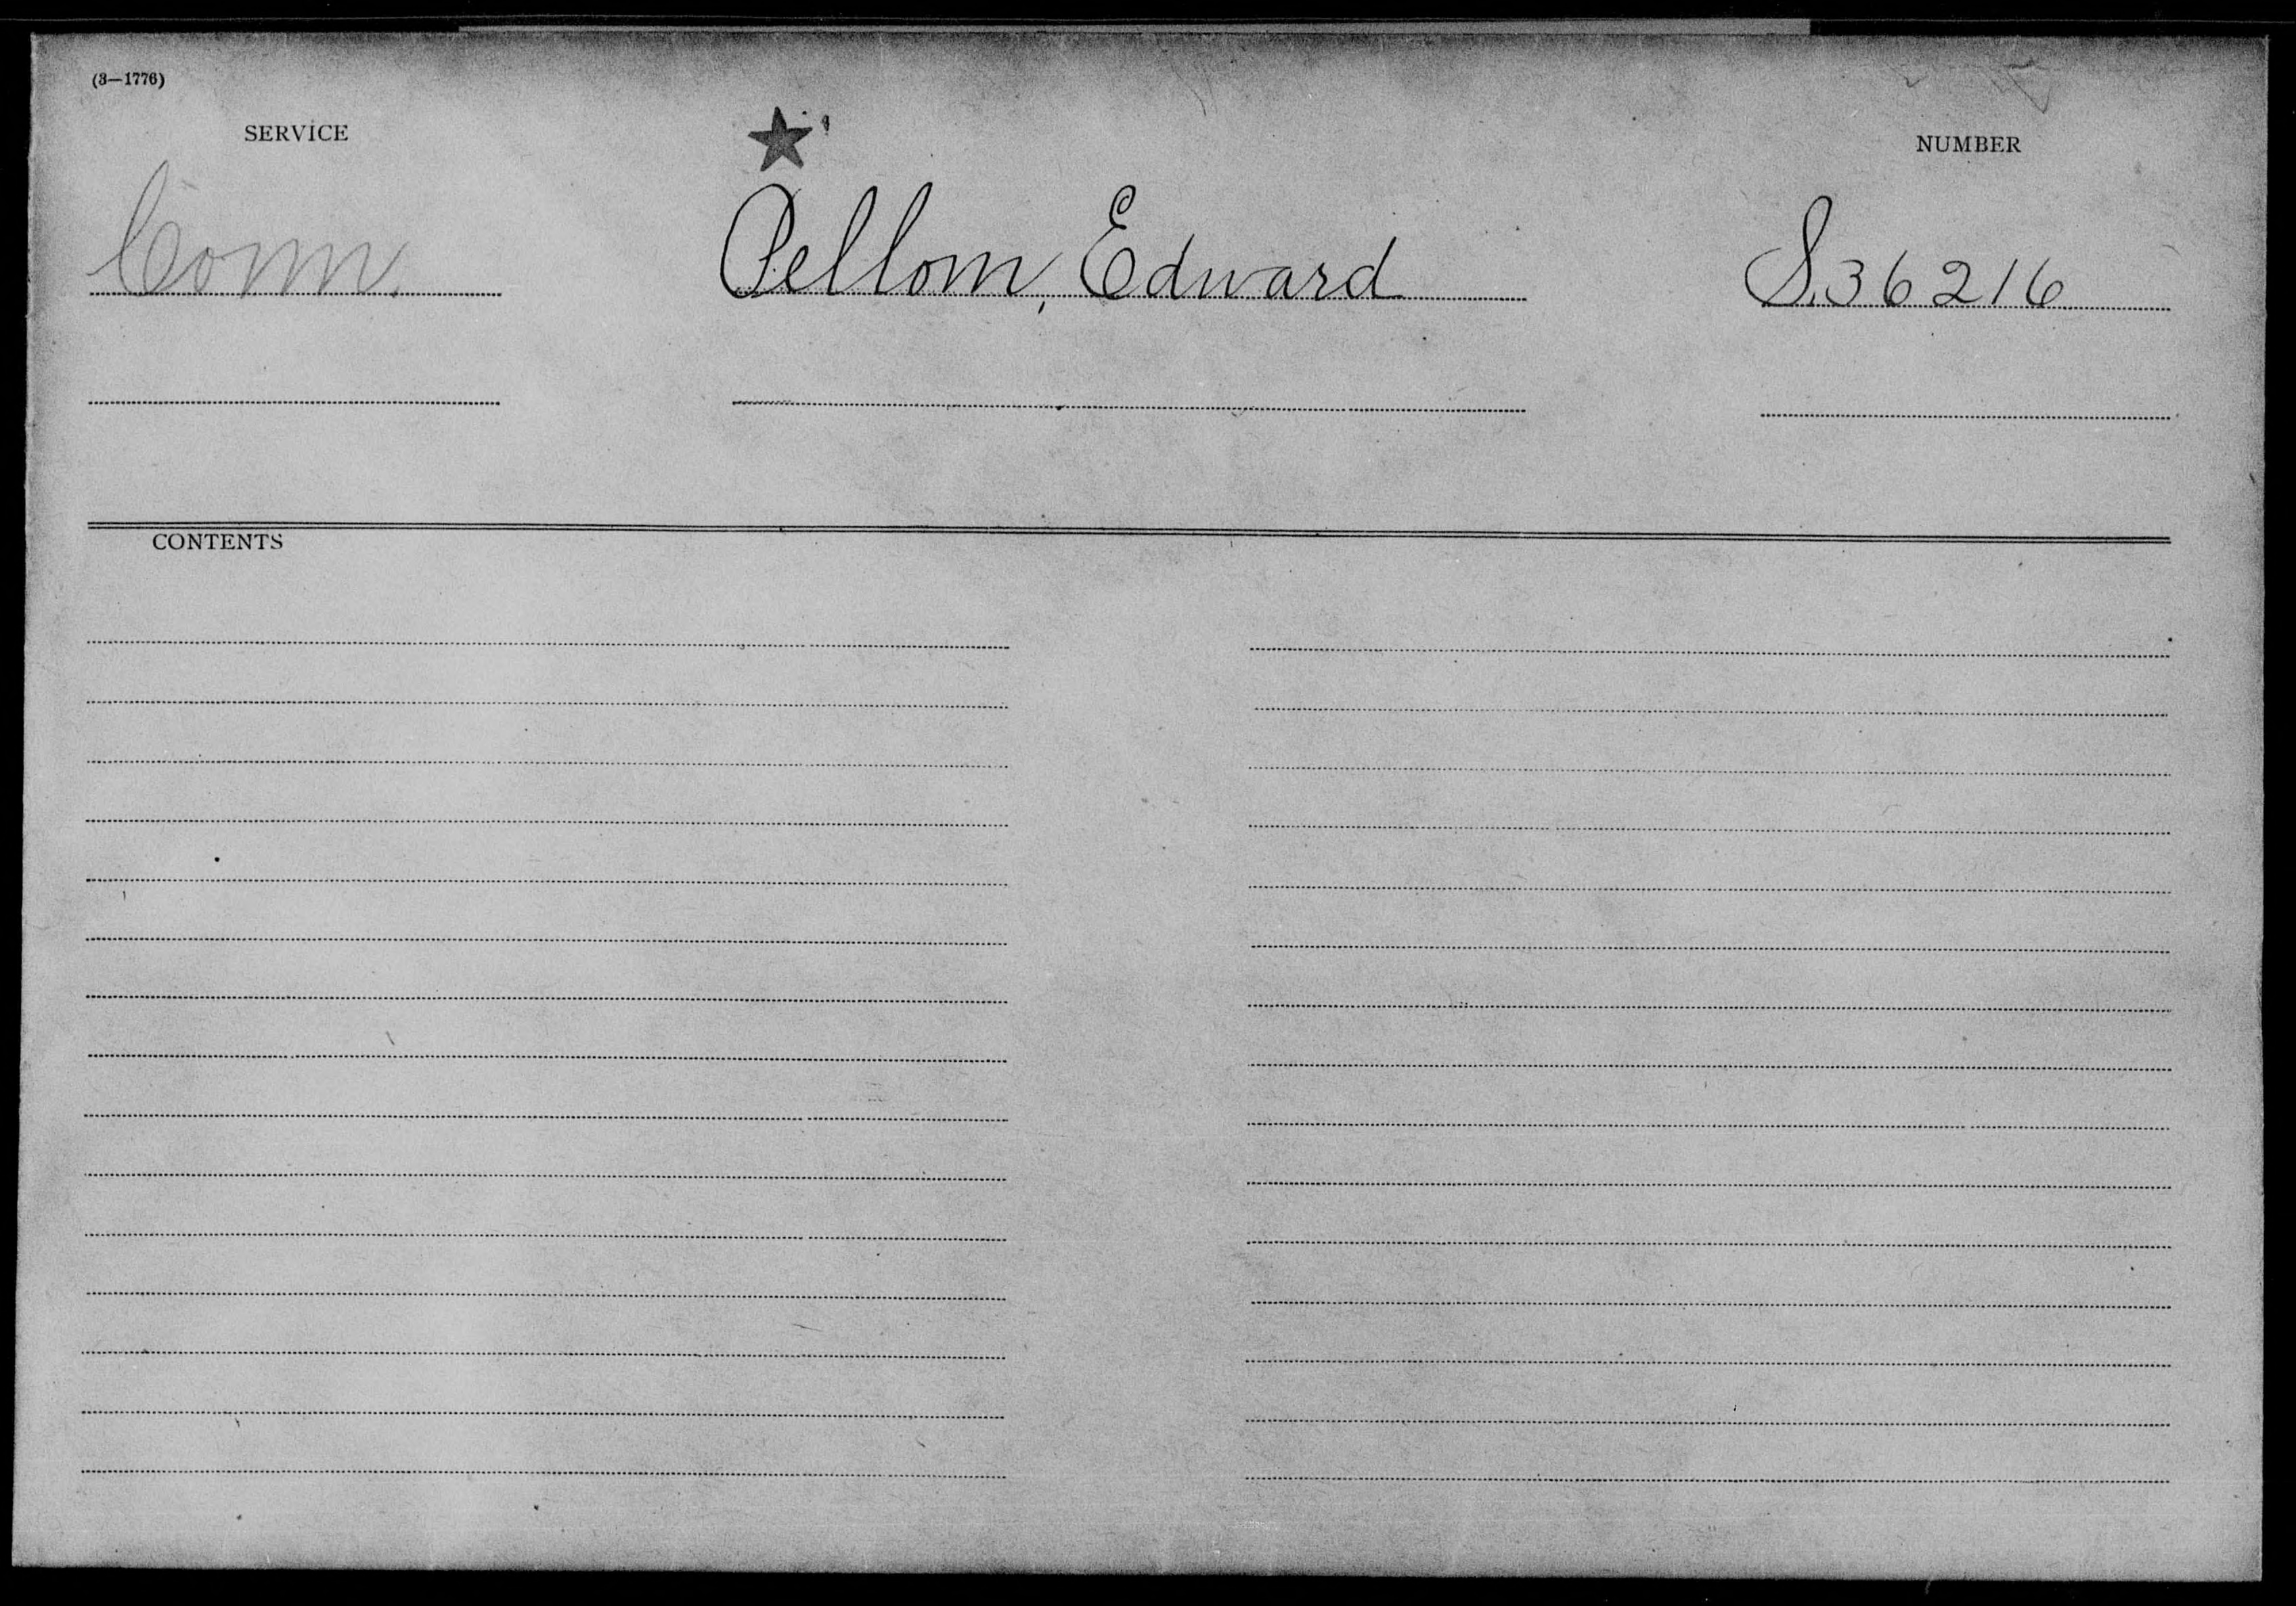(3-1776)

SERIVCE
Conn.

[Stamped Star]
Pellom,Edward

NUMBER
S.36216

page: 1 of 8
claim: survivor's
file: S. 36216, for Edward Pellom, Connecticut